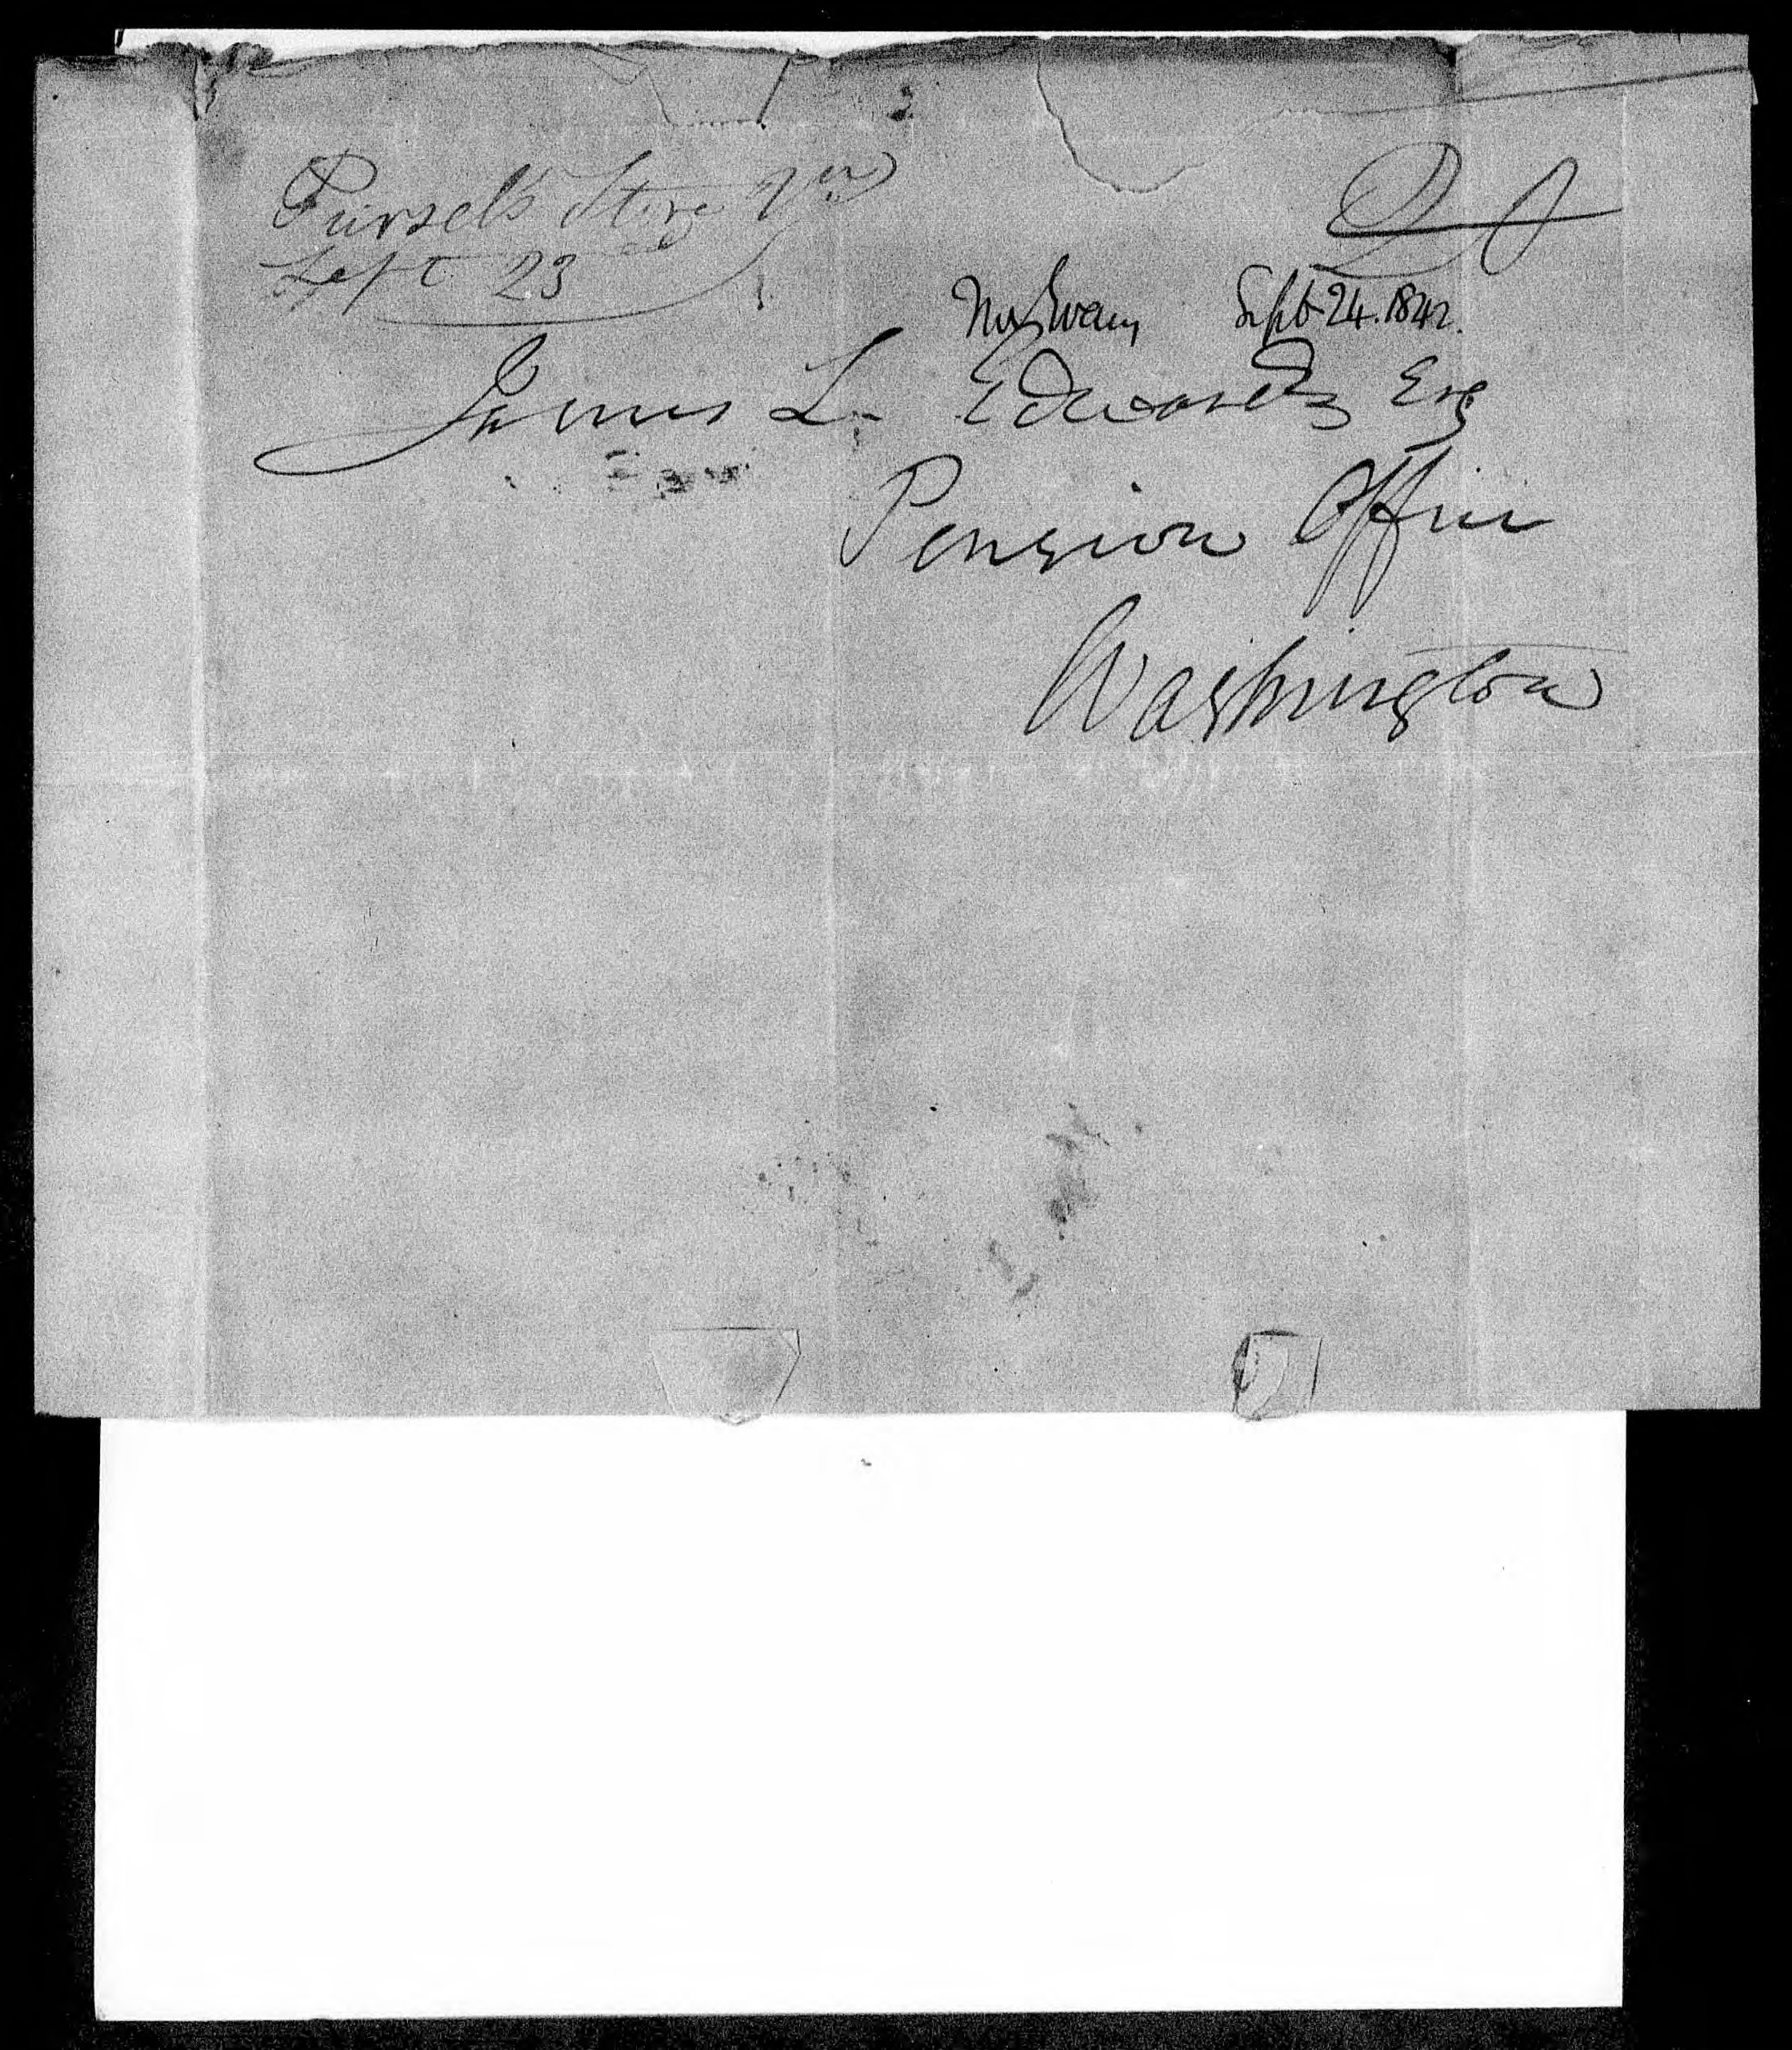Pursells Store VA
Sept 23

James L Edwards Esq
Pension Office Washington DC

[Handwritten] Mr Swan Sept 24 1842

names: James L Edwards, Evans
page: 18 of 64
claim: survivor's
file: S. 6887, Peter Gideon, Md.